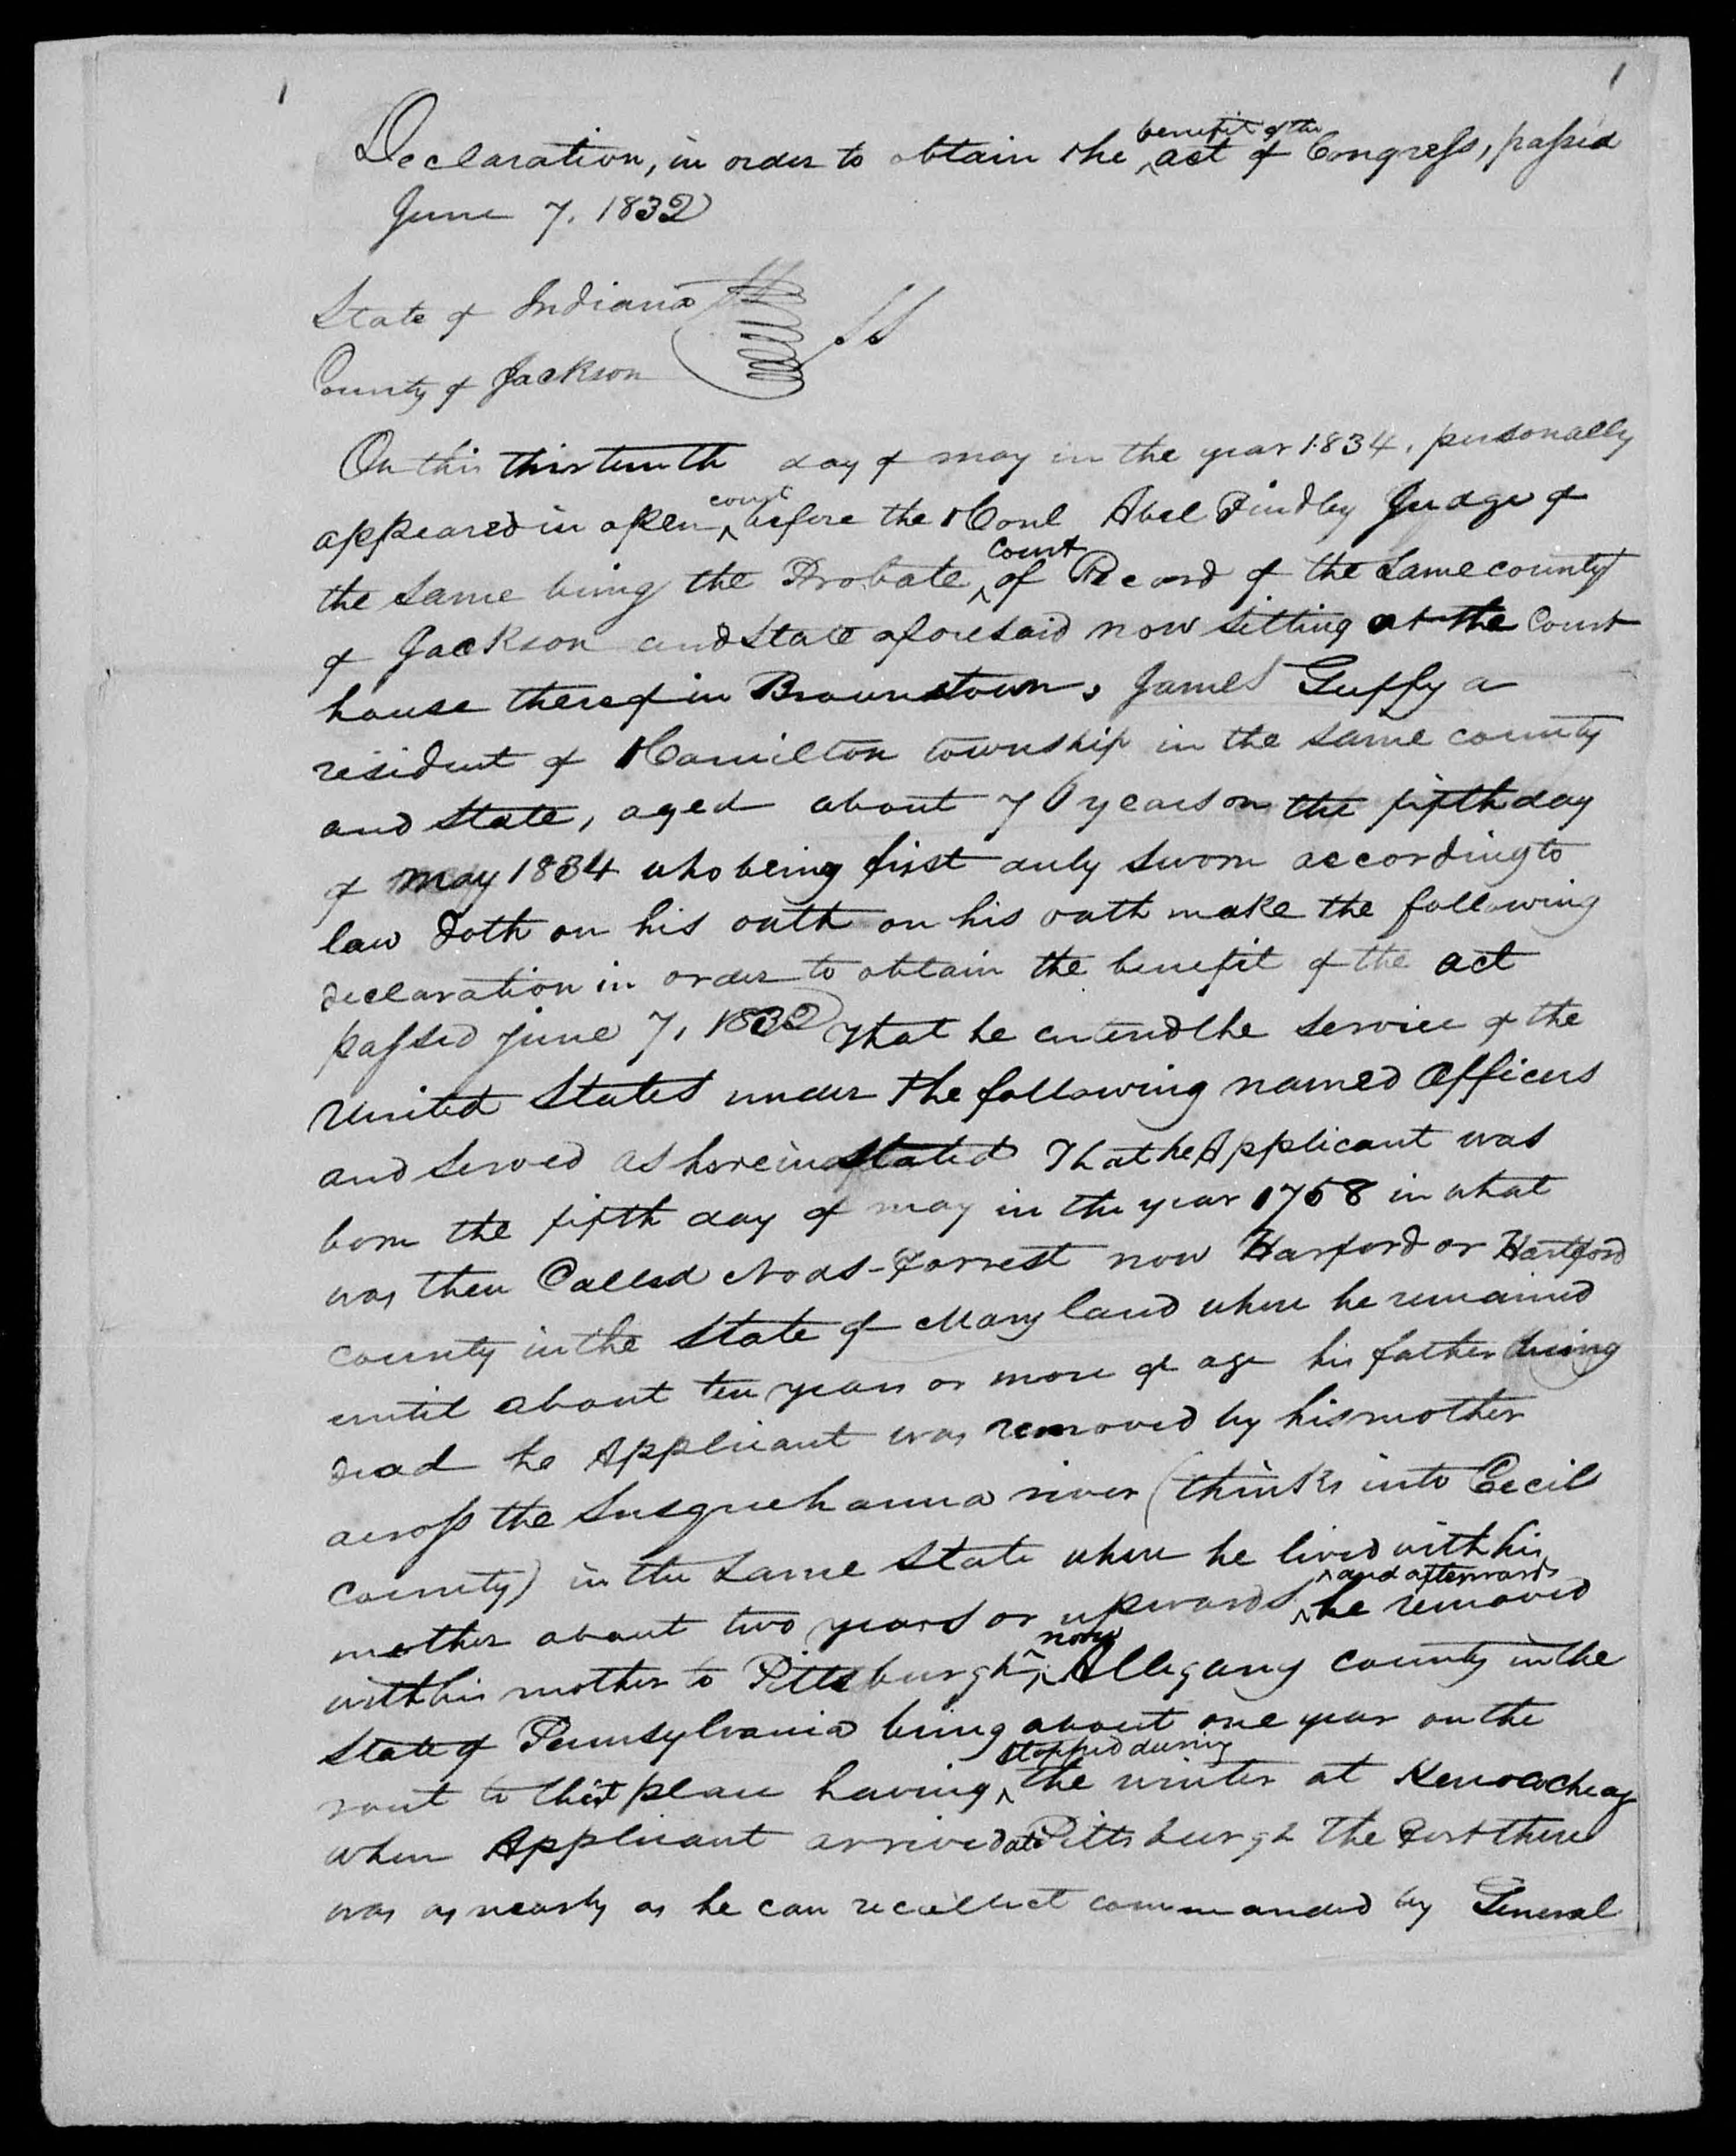Declaration in order to obtain the ^benefit of the act of Congress, passed June 7, 1832

State of Indiana    }
County of Jackson} ss

On this thirteenth day of may in the year 1834, personally appeared in open court before the Hon'l Abel Findley Judge of the same being the Probate ^Court of Record of the same county of Jackson and State aforesaid now sitting at the court house thereof in Brownstown, James Guffy a resident of Hamilton township in the same county and state, aged about 76 years on the fifth day of May 1884 who being first duly sworn according to law doth on his oath on his oath make the following declaration in order to obtain the benefit of the act passed June 7, 1832   That he entered the service of the United States under the following named officers and served as herein stated  That the Applicant was born the fifth day of may in the year 1768 in what was then called Nods-Forrest now Harford or Hartford County in the State of Maryland where he remained until about two years of more or age his father dying and the applicant was removed by his mother across the Susquehanna river (thinks into Cecil County) in the same state where he lived with his mother about two years or upwards ^and afterwards he removed with his mother to Pittsburgh ^now Allegany County in the State of Pennsylvania being about one year on the rout [route] to that place having ^stopped during the winter at Kenocochey [?] when applicant arrived at Pittsburgh the fort there was as nearly as he can recollect commanded by General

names: Abel Findley, James Guffy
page: 4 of 36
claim: survivor's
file: S. 31,718, James Guffey, Penn.